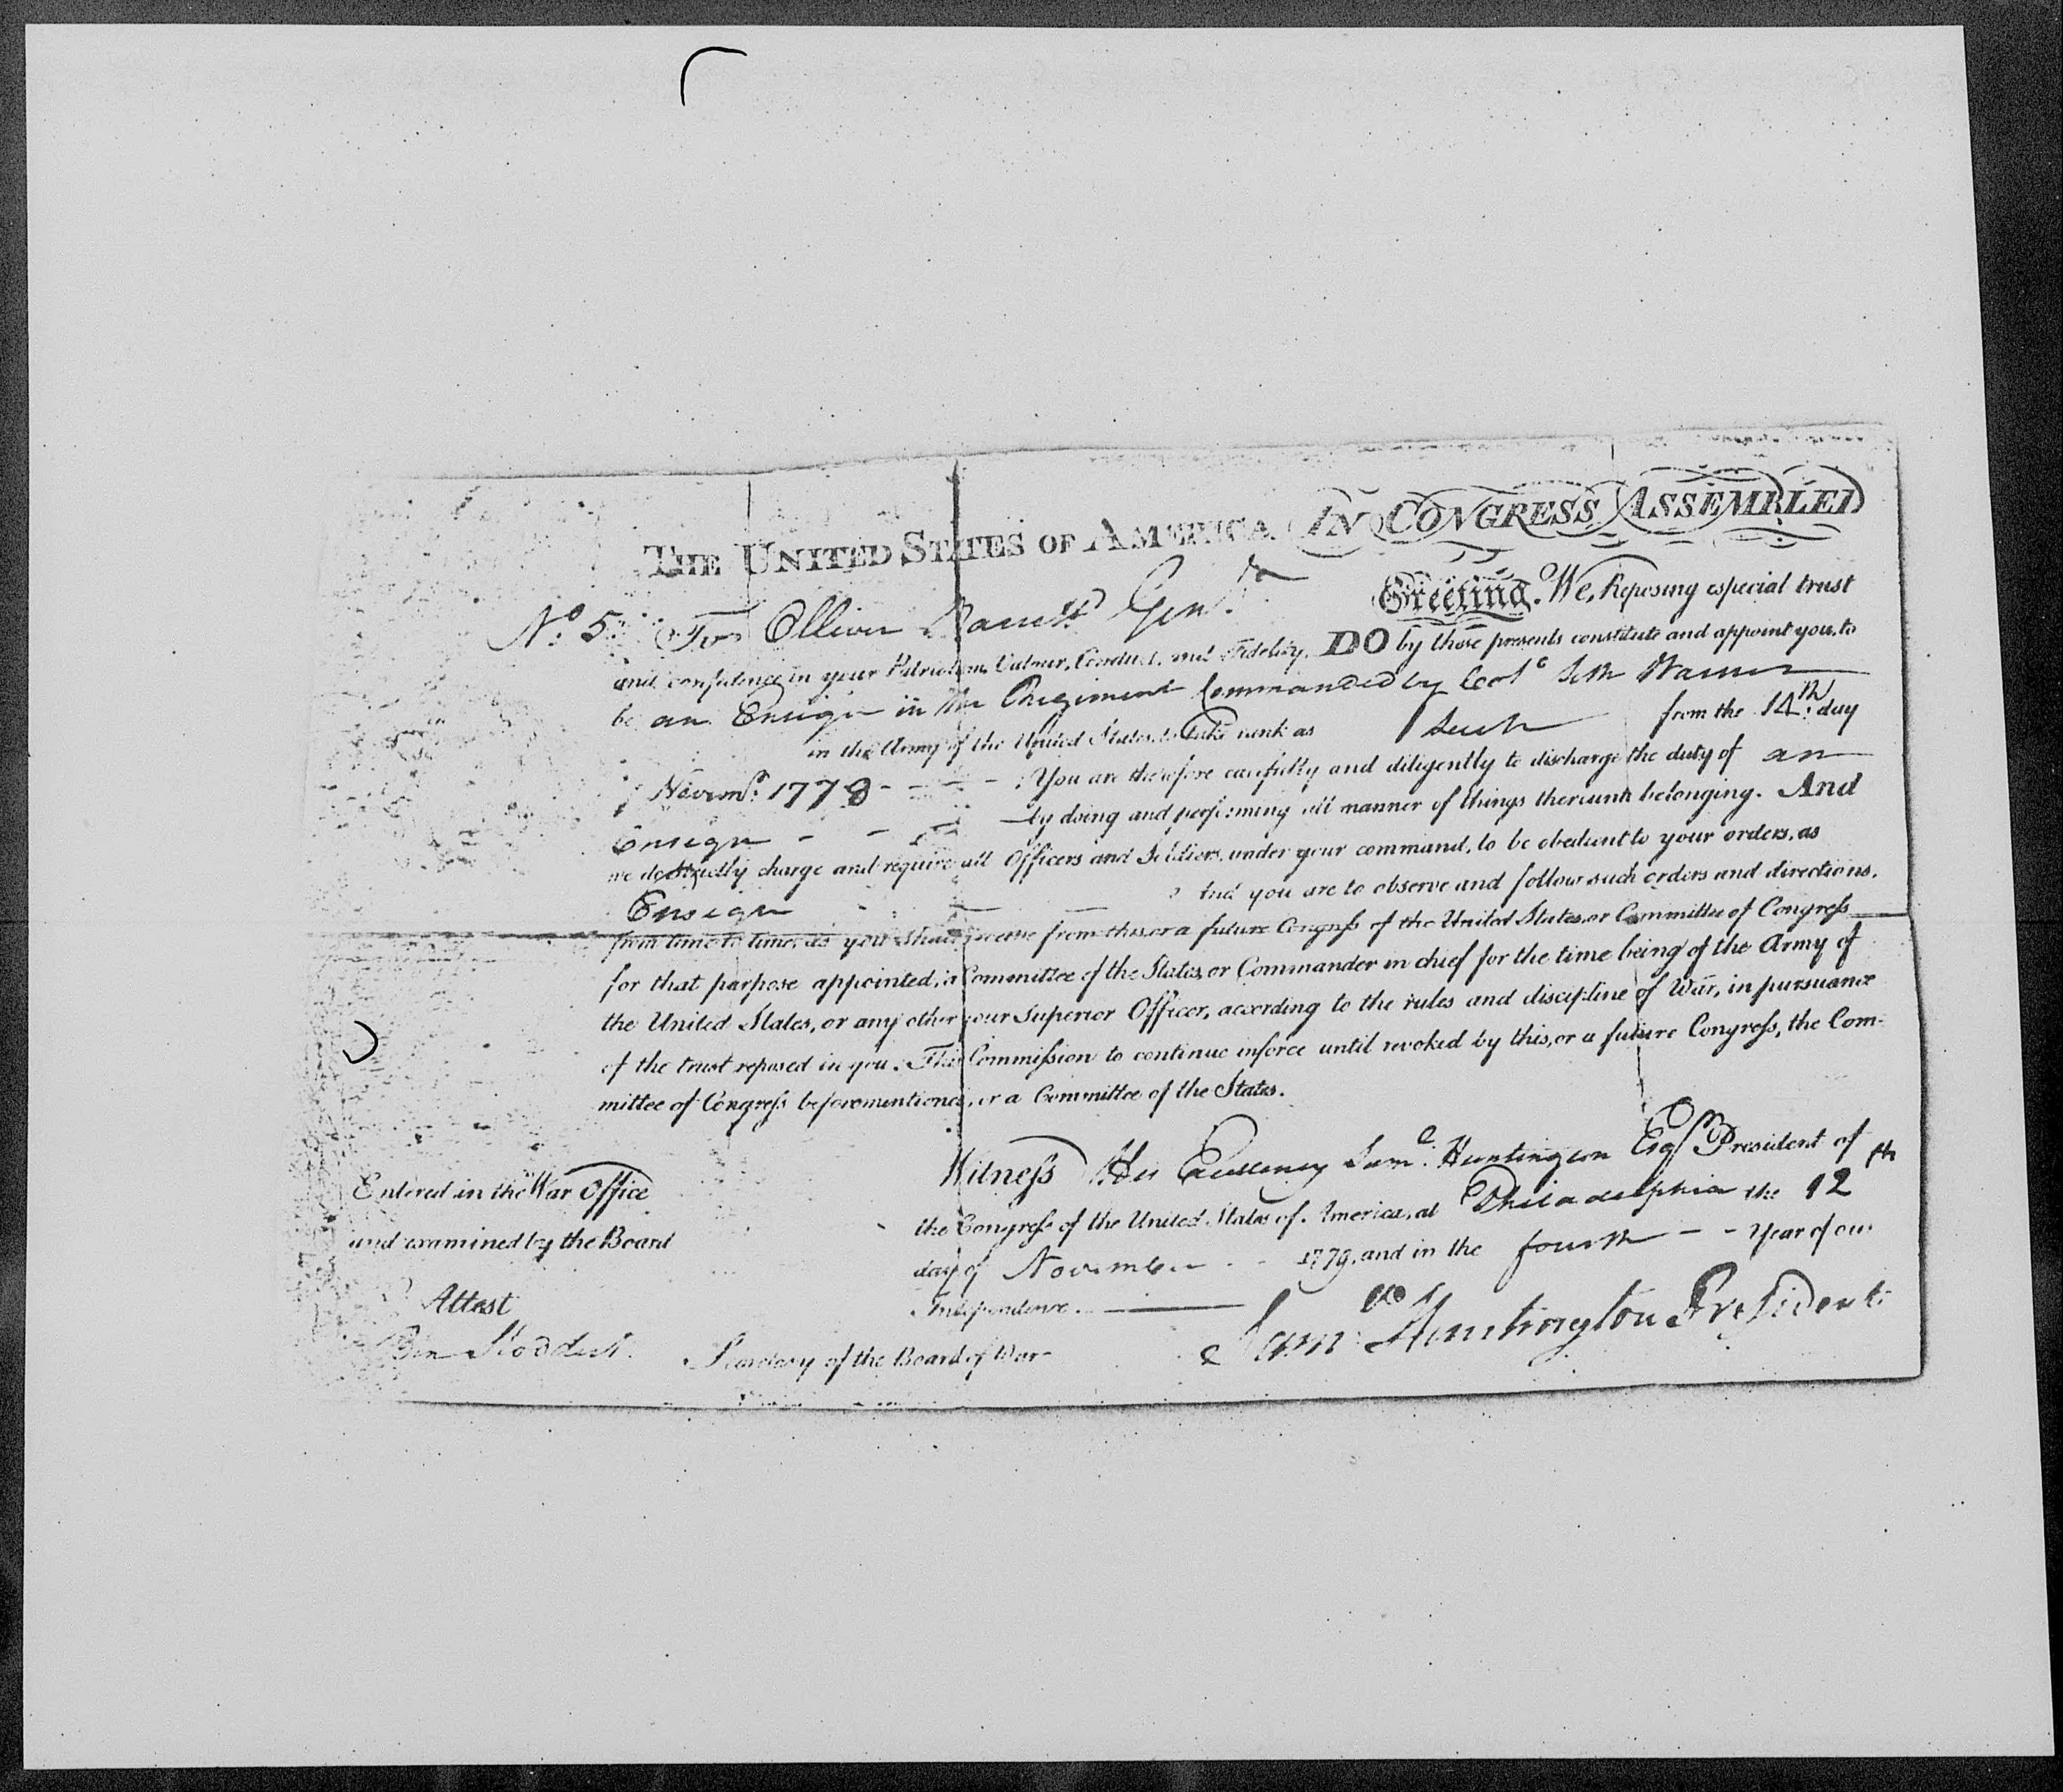The United State of America, In Congress Assembled
No. 5 To Oliver Barrett Gentn. Greeting. We, reposing especial trust and confidence in your Patriotism, Valour, Conduct, and Fidelity, Do by these presents constitute and appoint you, to be an Ensign in the Regiment commanded by Col. Seth Warner in the Army of the Unites States to take rank as such from the 14th day of Novem. 1778. You are therefore carefully and diligently to discharge the duty of an ensign by doing and performing all manner of things thereunto belonging. And we do strictly charge and require all Officers and Soldiers under your command to be obedient to your orders as Ensign and find you are to observe and follow such orders and actions from time to time, as you shall become from there a future Congress of the United States or Committee of Congress for that purpose appointed a Committee of the States or Commander in Chief for the time being of the Army of the United States, or any other your superior officer, according to the rules and discipline of the War, in pursuance of the trust reposed in you. This Commission to continue enforce until revoked by this or a future Congress, the committee of Congress before mentioned, or a Committee of the States. 

Entered in the War Office and examined by the Board
Attest
Ben Stoddart Secretary of the Board of War 

Witness his Excellency Saml Huntington Esq. President of the Congress of the United States of America at Philadelphia the 12th day of November 1779, and in the fourth year of our Independence. 
Saml Huntington President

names: Olliver Barrett, Saml Huntington, Ben Stoddert, Saml Huntington, Seth Warner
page: 17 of 83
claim: widow's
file: W. 10,384, Oliver Barrett, Continental (Vt.) N.Y.